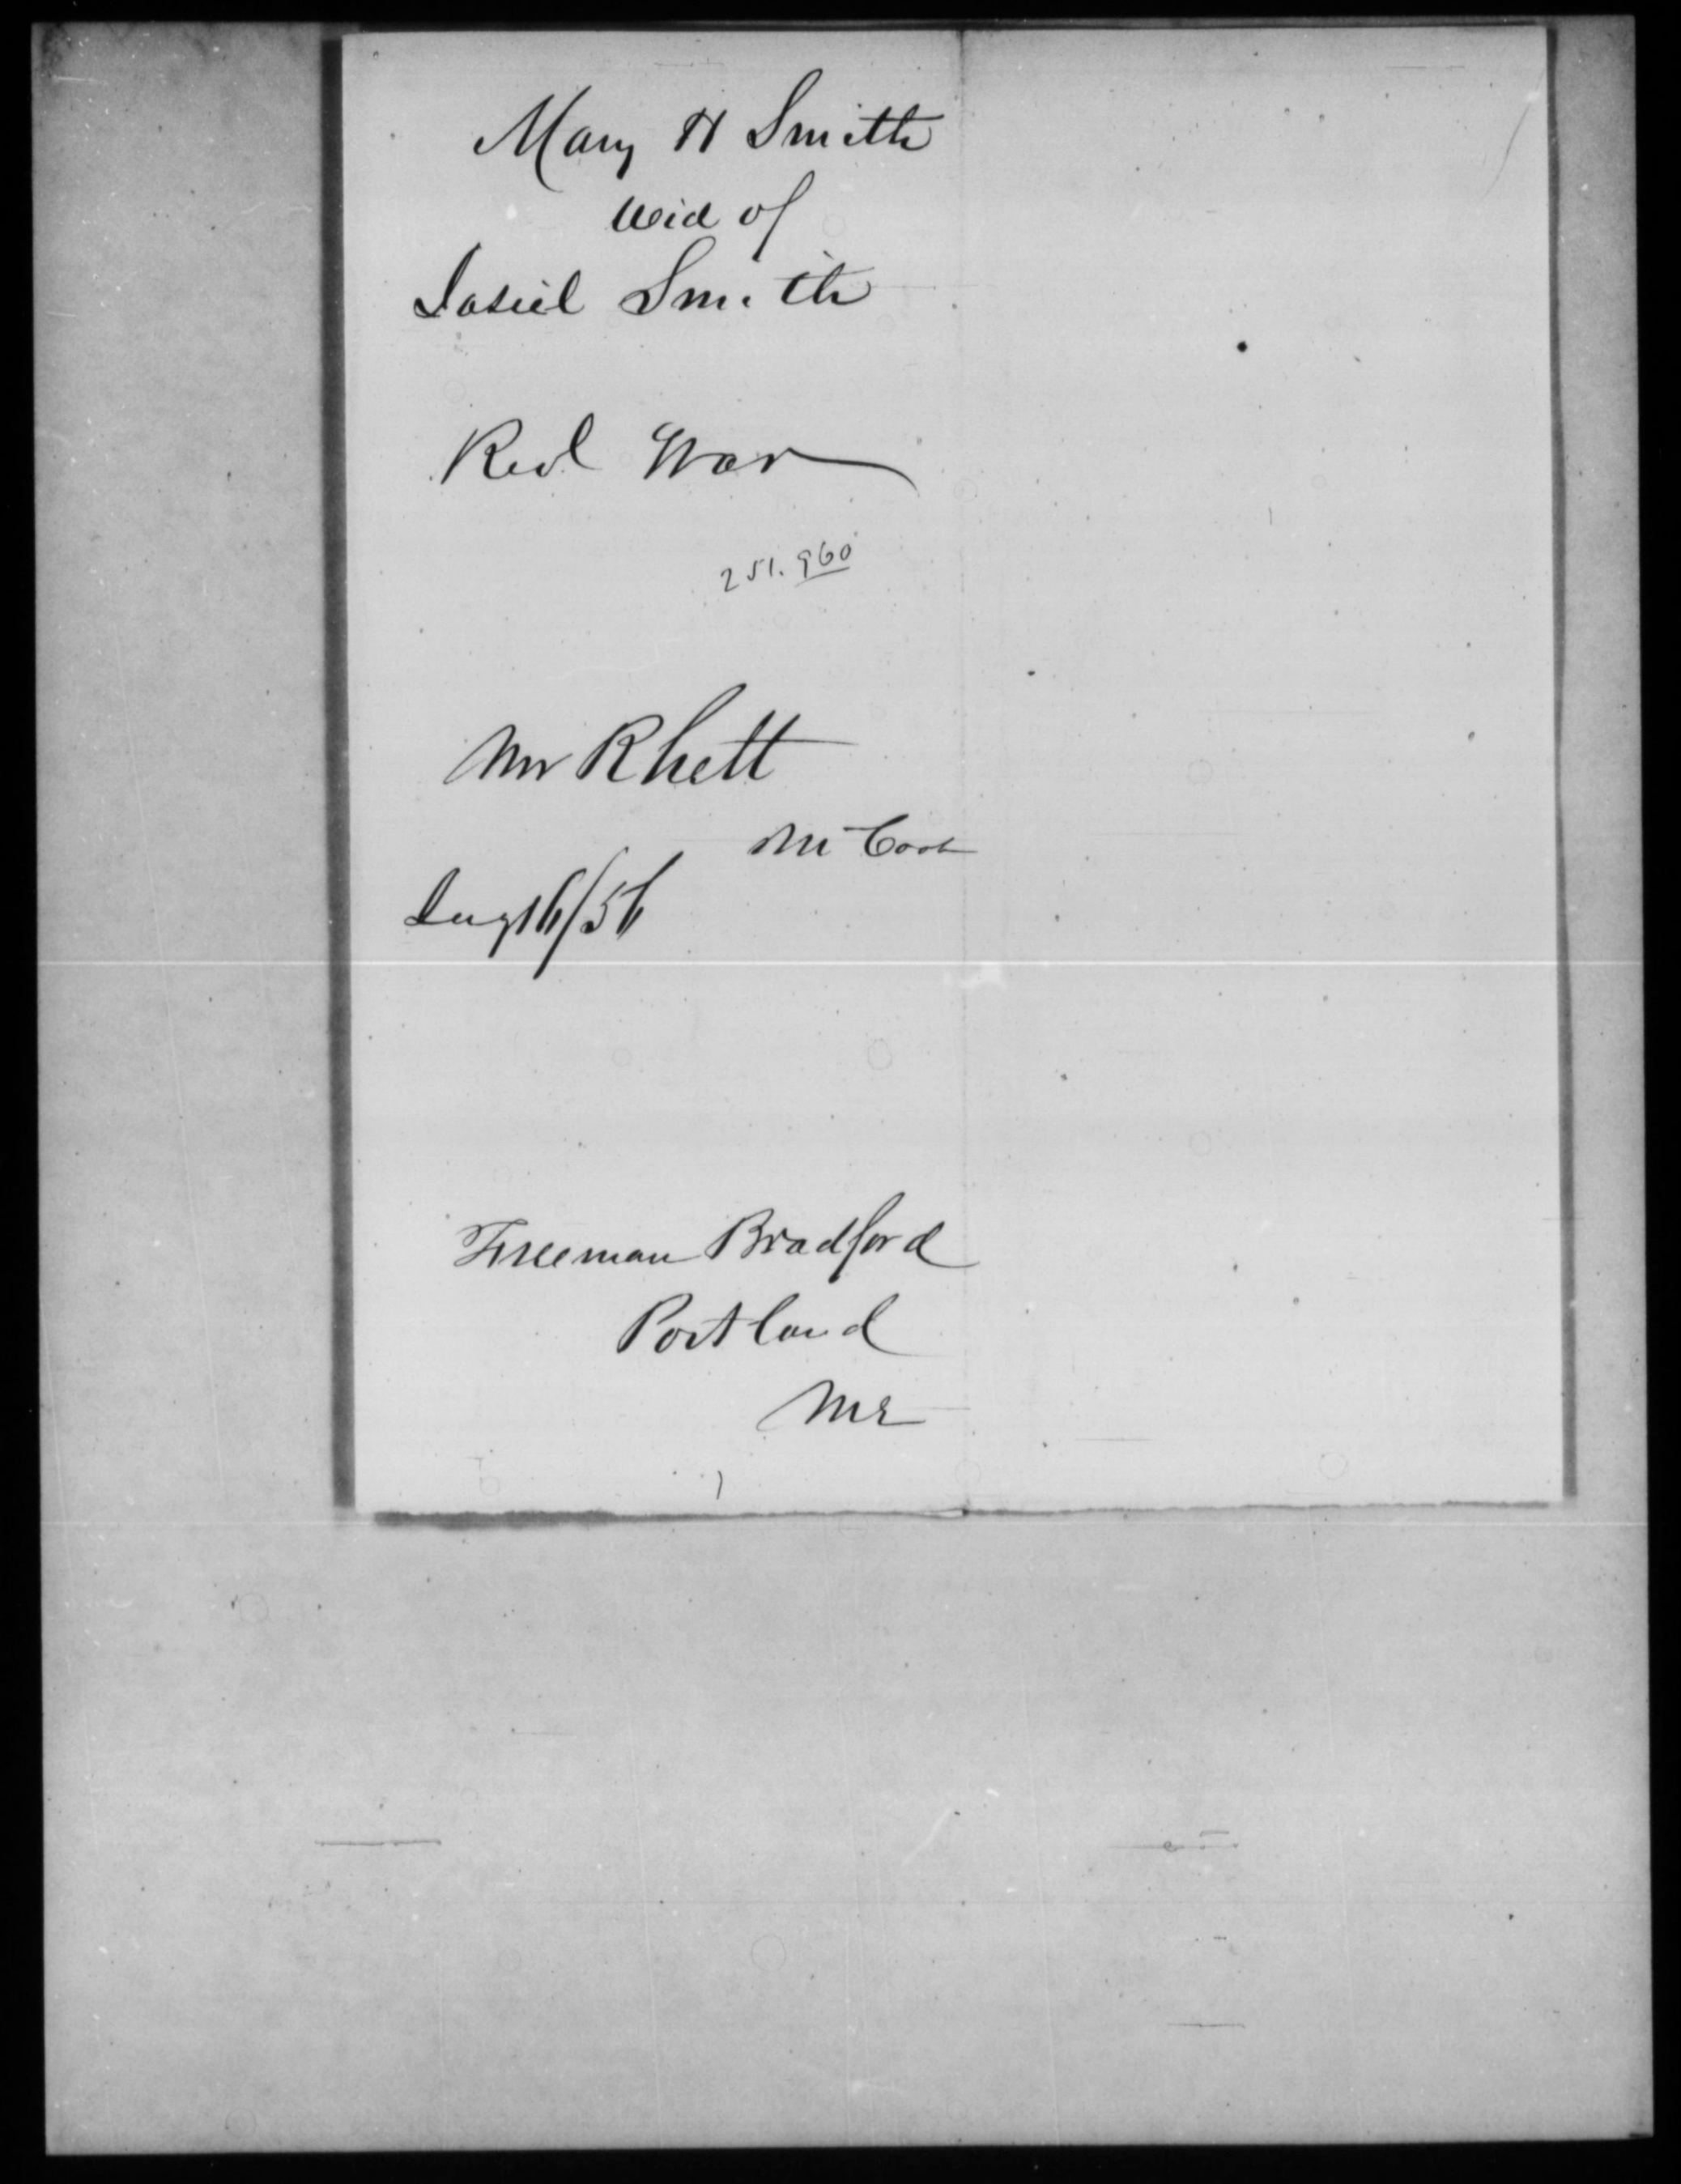Mary H. Smith
wid of 
Jasiel Smith
Recd [illegible]
251.960
Mrs. Rhett
Mr. Cook
Aug 11/51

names: Freeman Bradford; Mary Smith; Jasiel Smith; [BLANK] Rhett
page: 10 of 20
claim: widow's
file: W 2362, for Jasiel Smith, Massachusetts